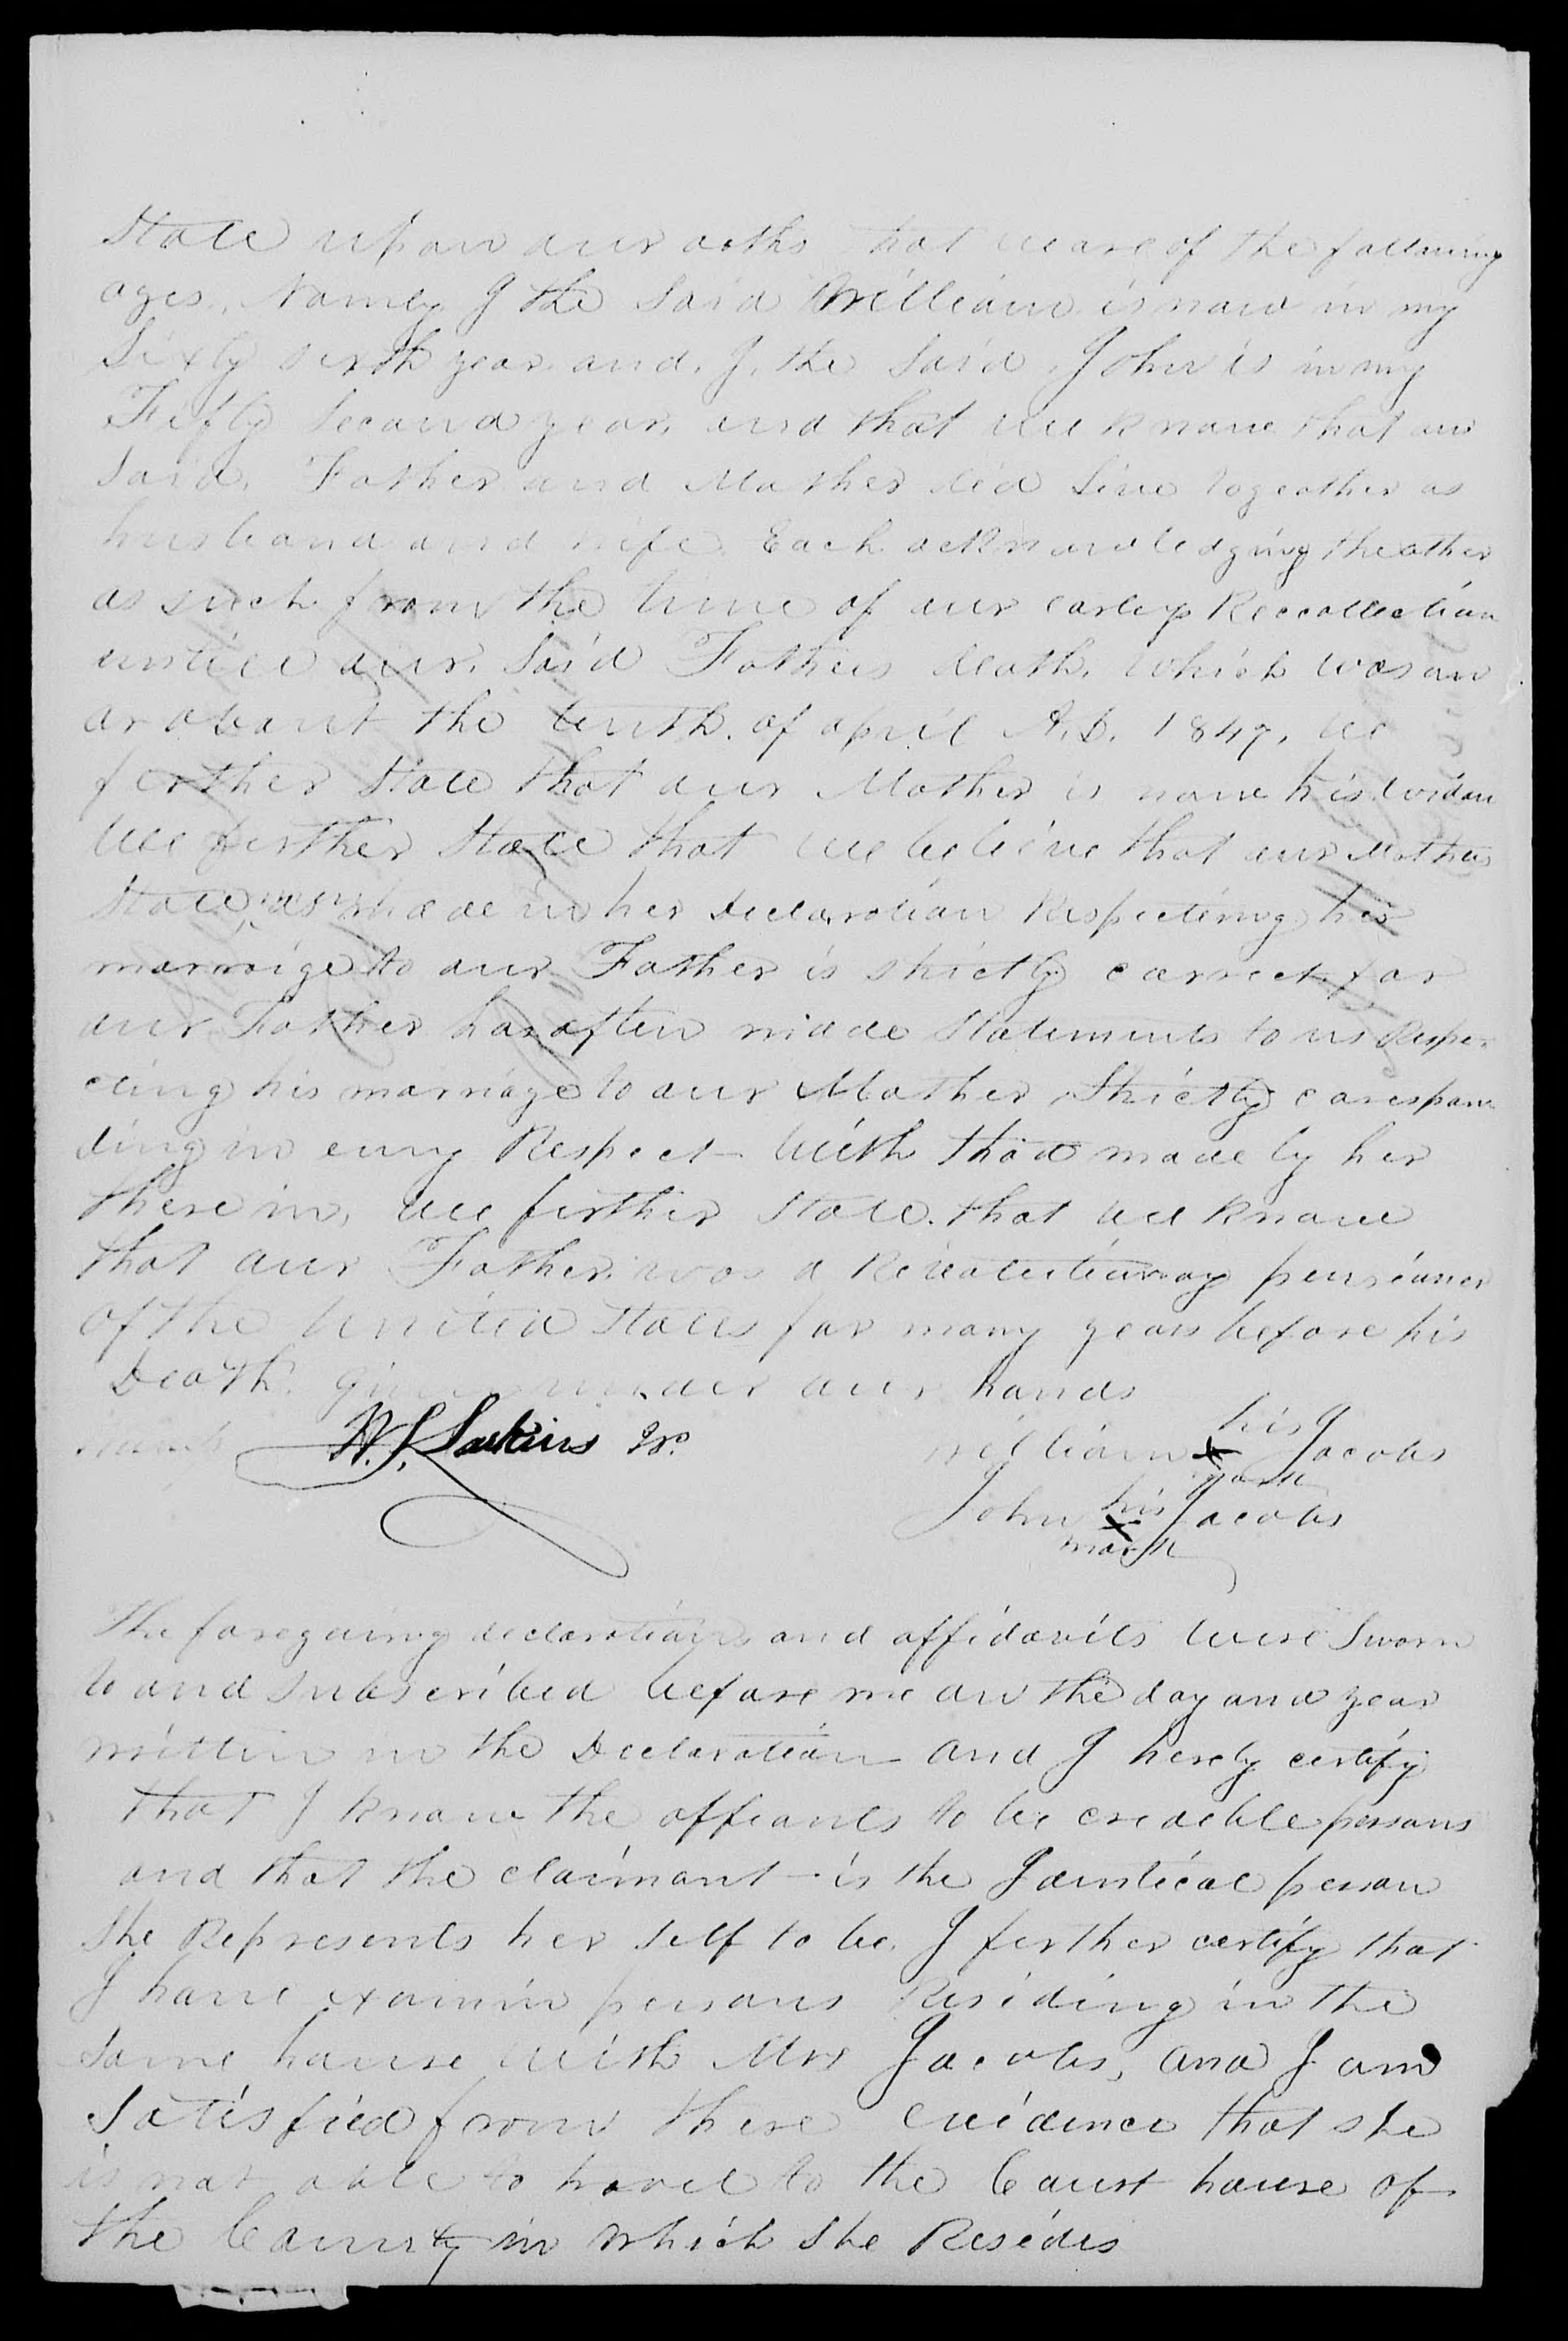state upon our oaths that we are of the following
ages. Namly I the said William is now in my
Sixty sixth year and I the said John is in my
Fifty second year, and that we know that our said, Father and Mother did live together as husband and wife. Each acknowledging the other as such from the time of our earleys Reccollection until our Said Fathers death. which was on or about the tenth of April A.D. 1847, we further state that our Mother is now his widow we further
state that we believe that our Mothers statement made in her declaration Respecting her marriage to our Father is strictly correct for our Father has often made statements to us respecting his marriage to our Mother Strictly
coresponding  in every Respect with that made by her therein, we further state that we know that our father was a Revolutionary pensioner of the United States for many years before his death given under our hands
           [Signature] William his mark X Jacobs
           [Signature] John his  mark X Jacobs
Witness W.L Sarkins [illegible]

The foregoing declarations and affidavits were sworn to and subscribed before me on the day and year written in the Declaration and I hereby certify that I know the affiants to be credible persons and that the claimant is the identical person she Represents herself to be. I further certify that I have examin persons Residing in the 
same house with Mrs Jacobs, and I am 
satisfied from these evidence that she is not able to travel to the Court house of
the county in which she Resides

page: 3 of 40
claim: widow's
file: W. 5304, for Zachariah Jacobs, North Carolina